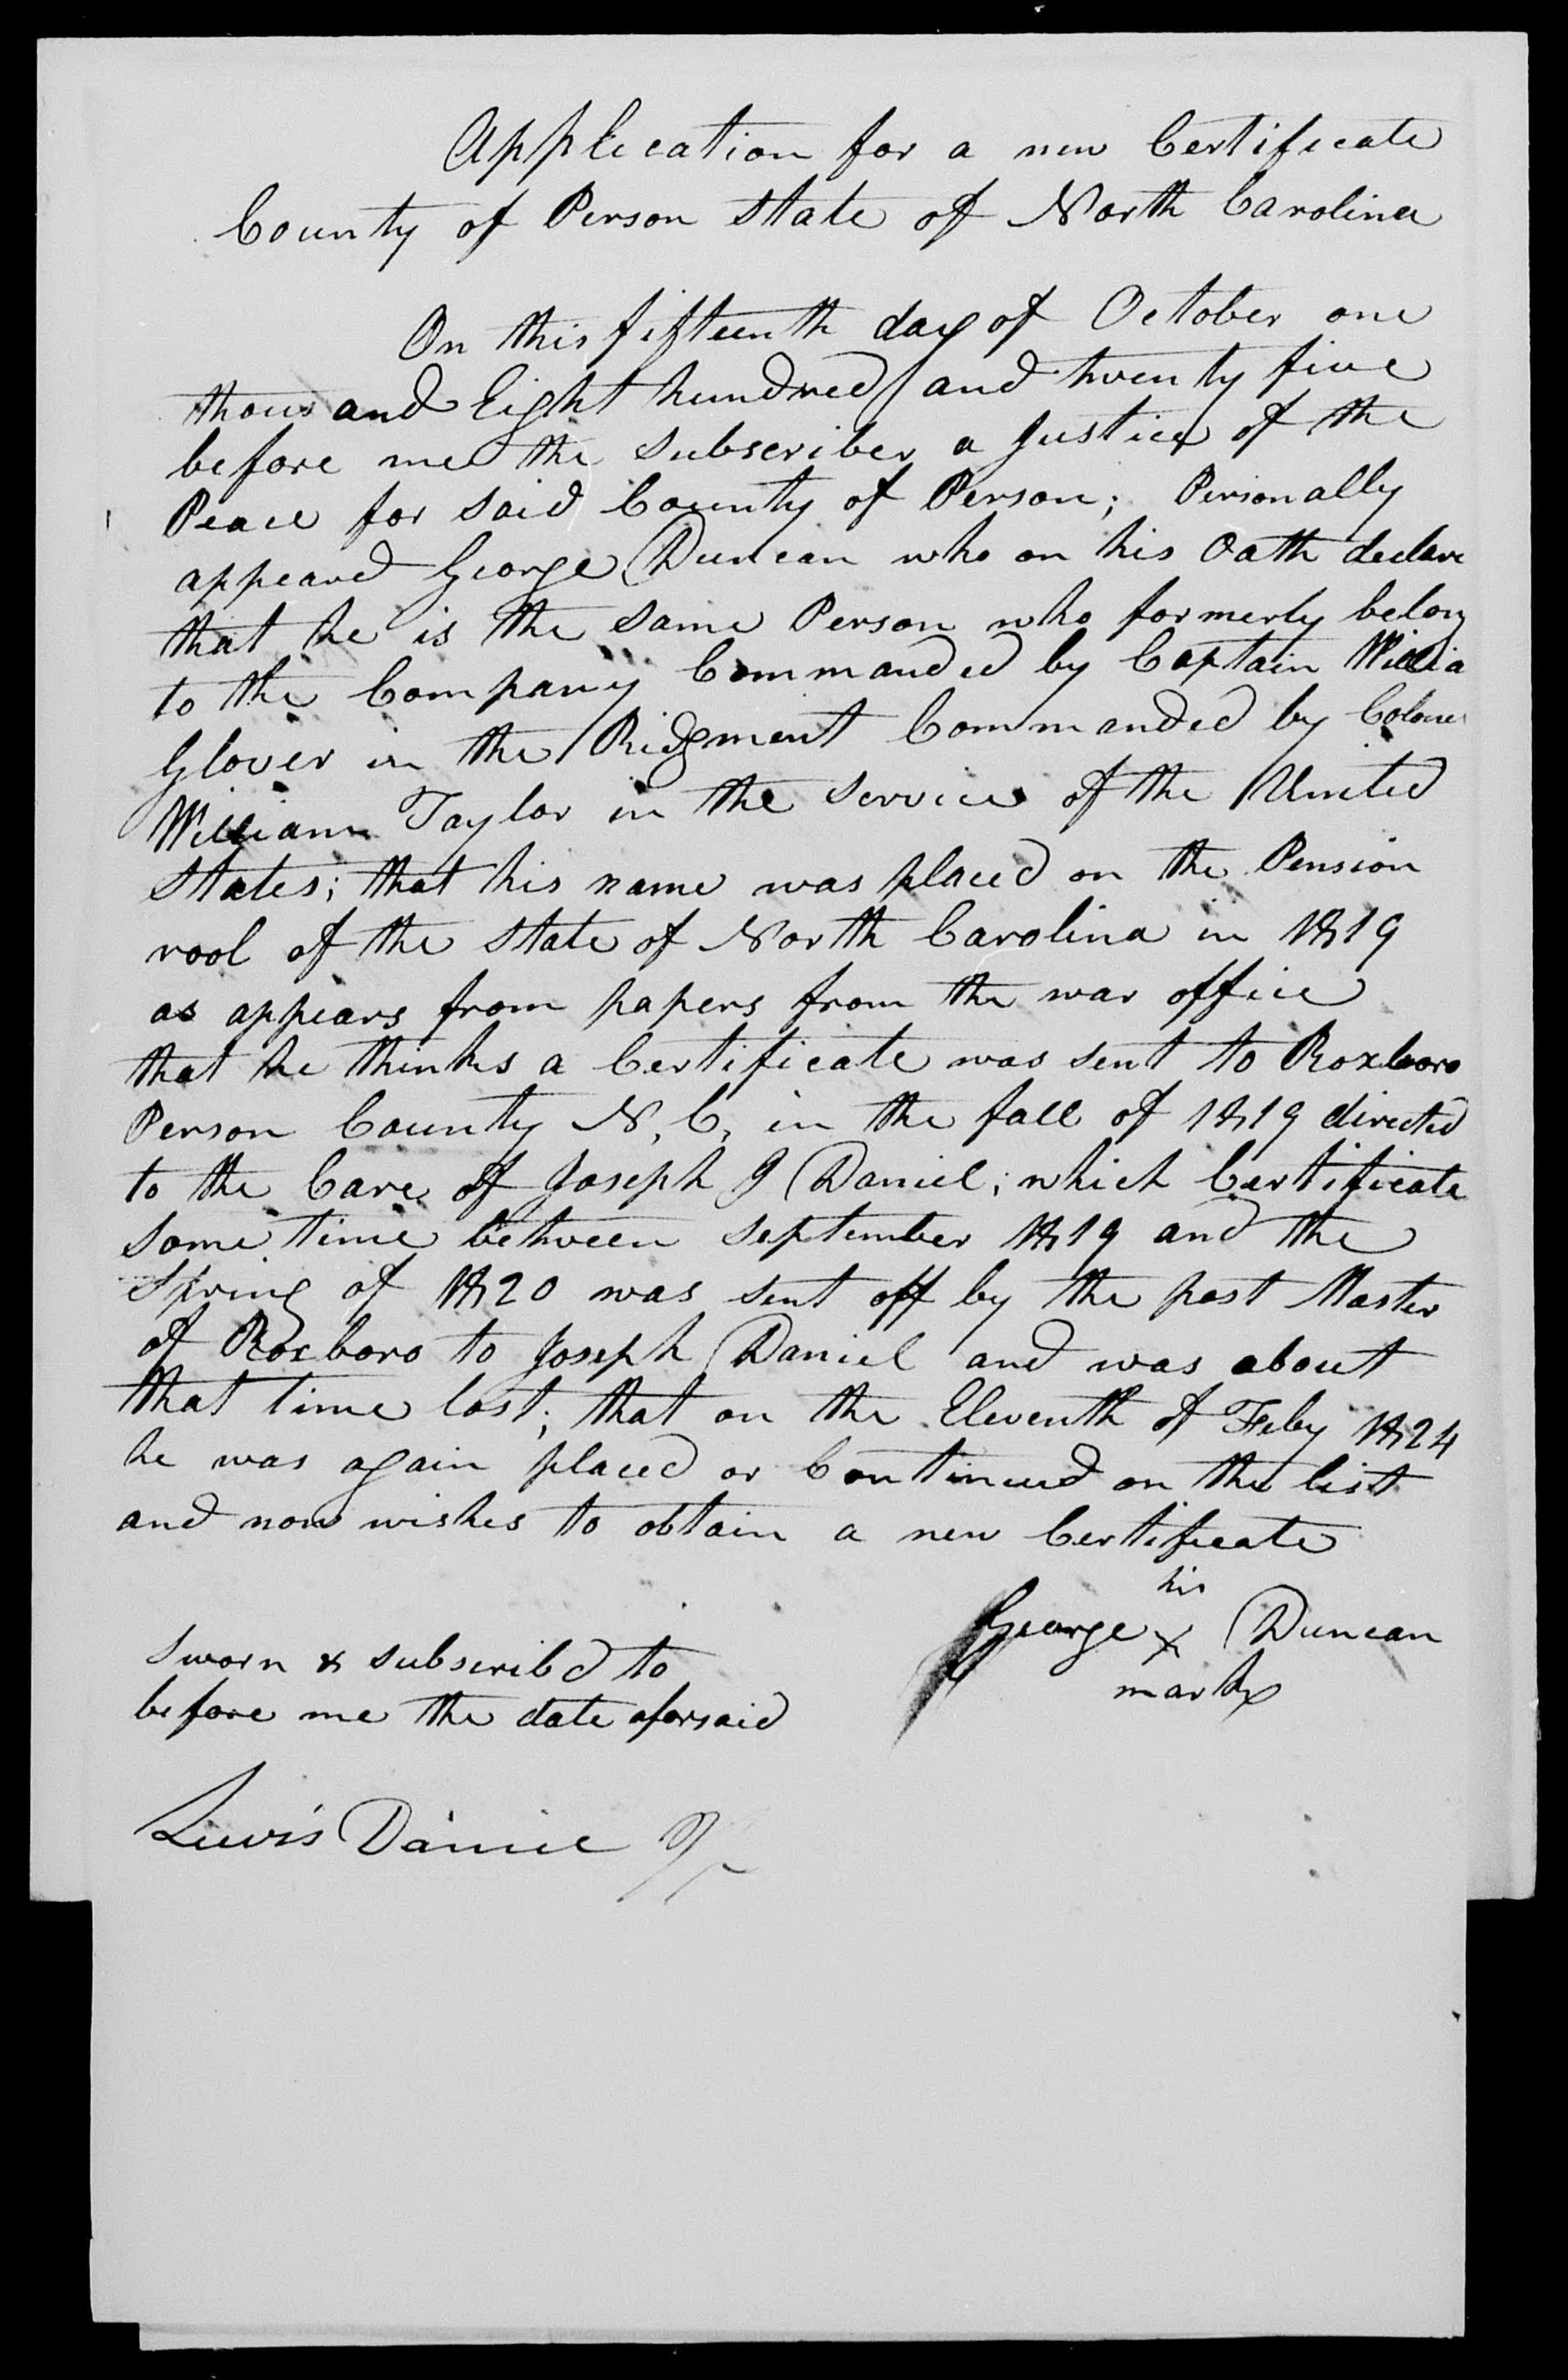Application for a new Certificate
County of Person  State of North Carolina

On this fifteenth day of October one thousand and Eight hundred and twenty five before me the subscribed a Justice of the Peace for said County of Person; Personally appeared George Duncan who on his oath declare that he is the same Person who formerly belonged to the Company Commanded by Captain William Glover in the Regiment Commanded by Col. William Taylor n the service of the United States; that his name was placed on the Pension roll of the State of North Carolina in 1819 as appears from papers from the war office.  That he thinks a Certificate was sent to Roxboro Person  County N. C. in the fall of 1819 directed to the Care of Joseph J Daniel, which Certificate some time between September 1819 and the Spring of 1820 was sent off by the post Master of Roxboro to Joseph Daniel and was about that time lost, that on the Eleventh of Feby 1824 he was again placed or Continued on the list and now wishes to obtain a new Certificate
                   his
George     X     Duncan
               mark

Sworn & subscribed to
Before me the date aforesaid
Lewis Daniel JP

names: George Duncan, Joseph Daniel, William Glover, Lewis Daniel, George Duncan, William Taylor, Joseph J Daniel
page: 21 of 49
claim: survivor's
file: S. 41513, George Duncan, N.C.